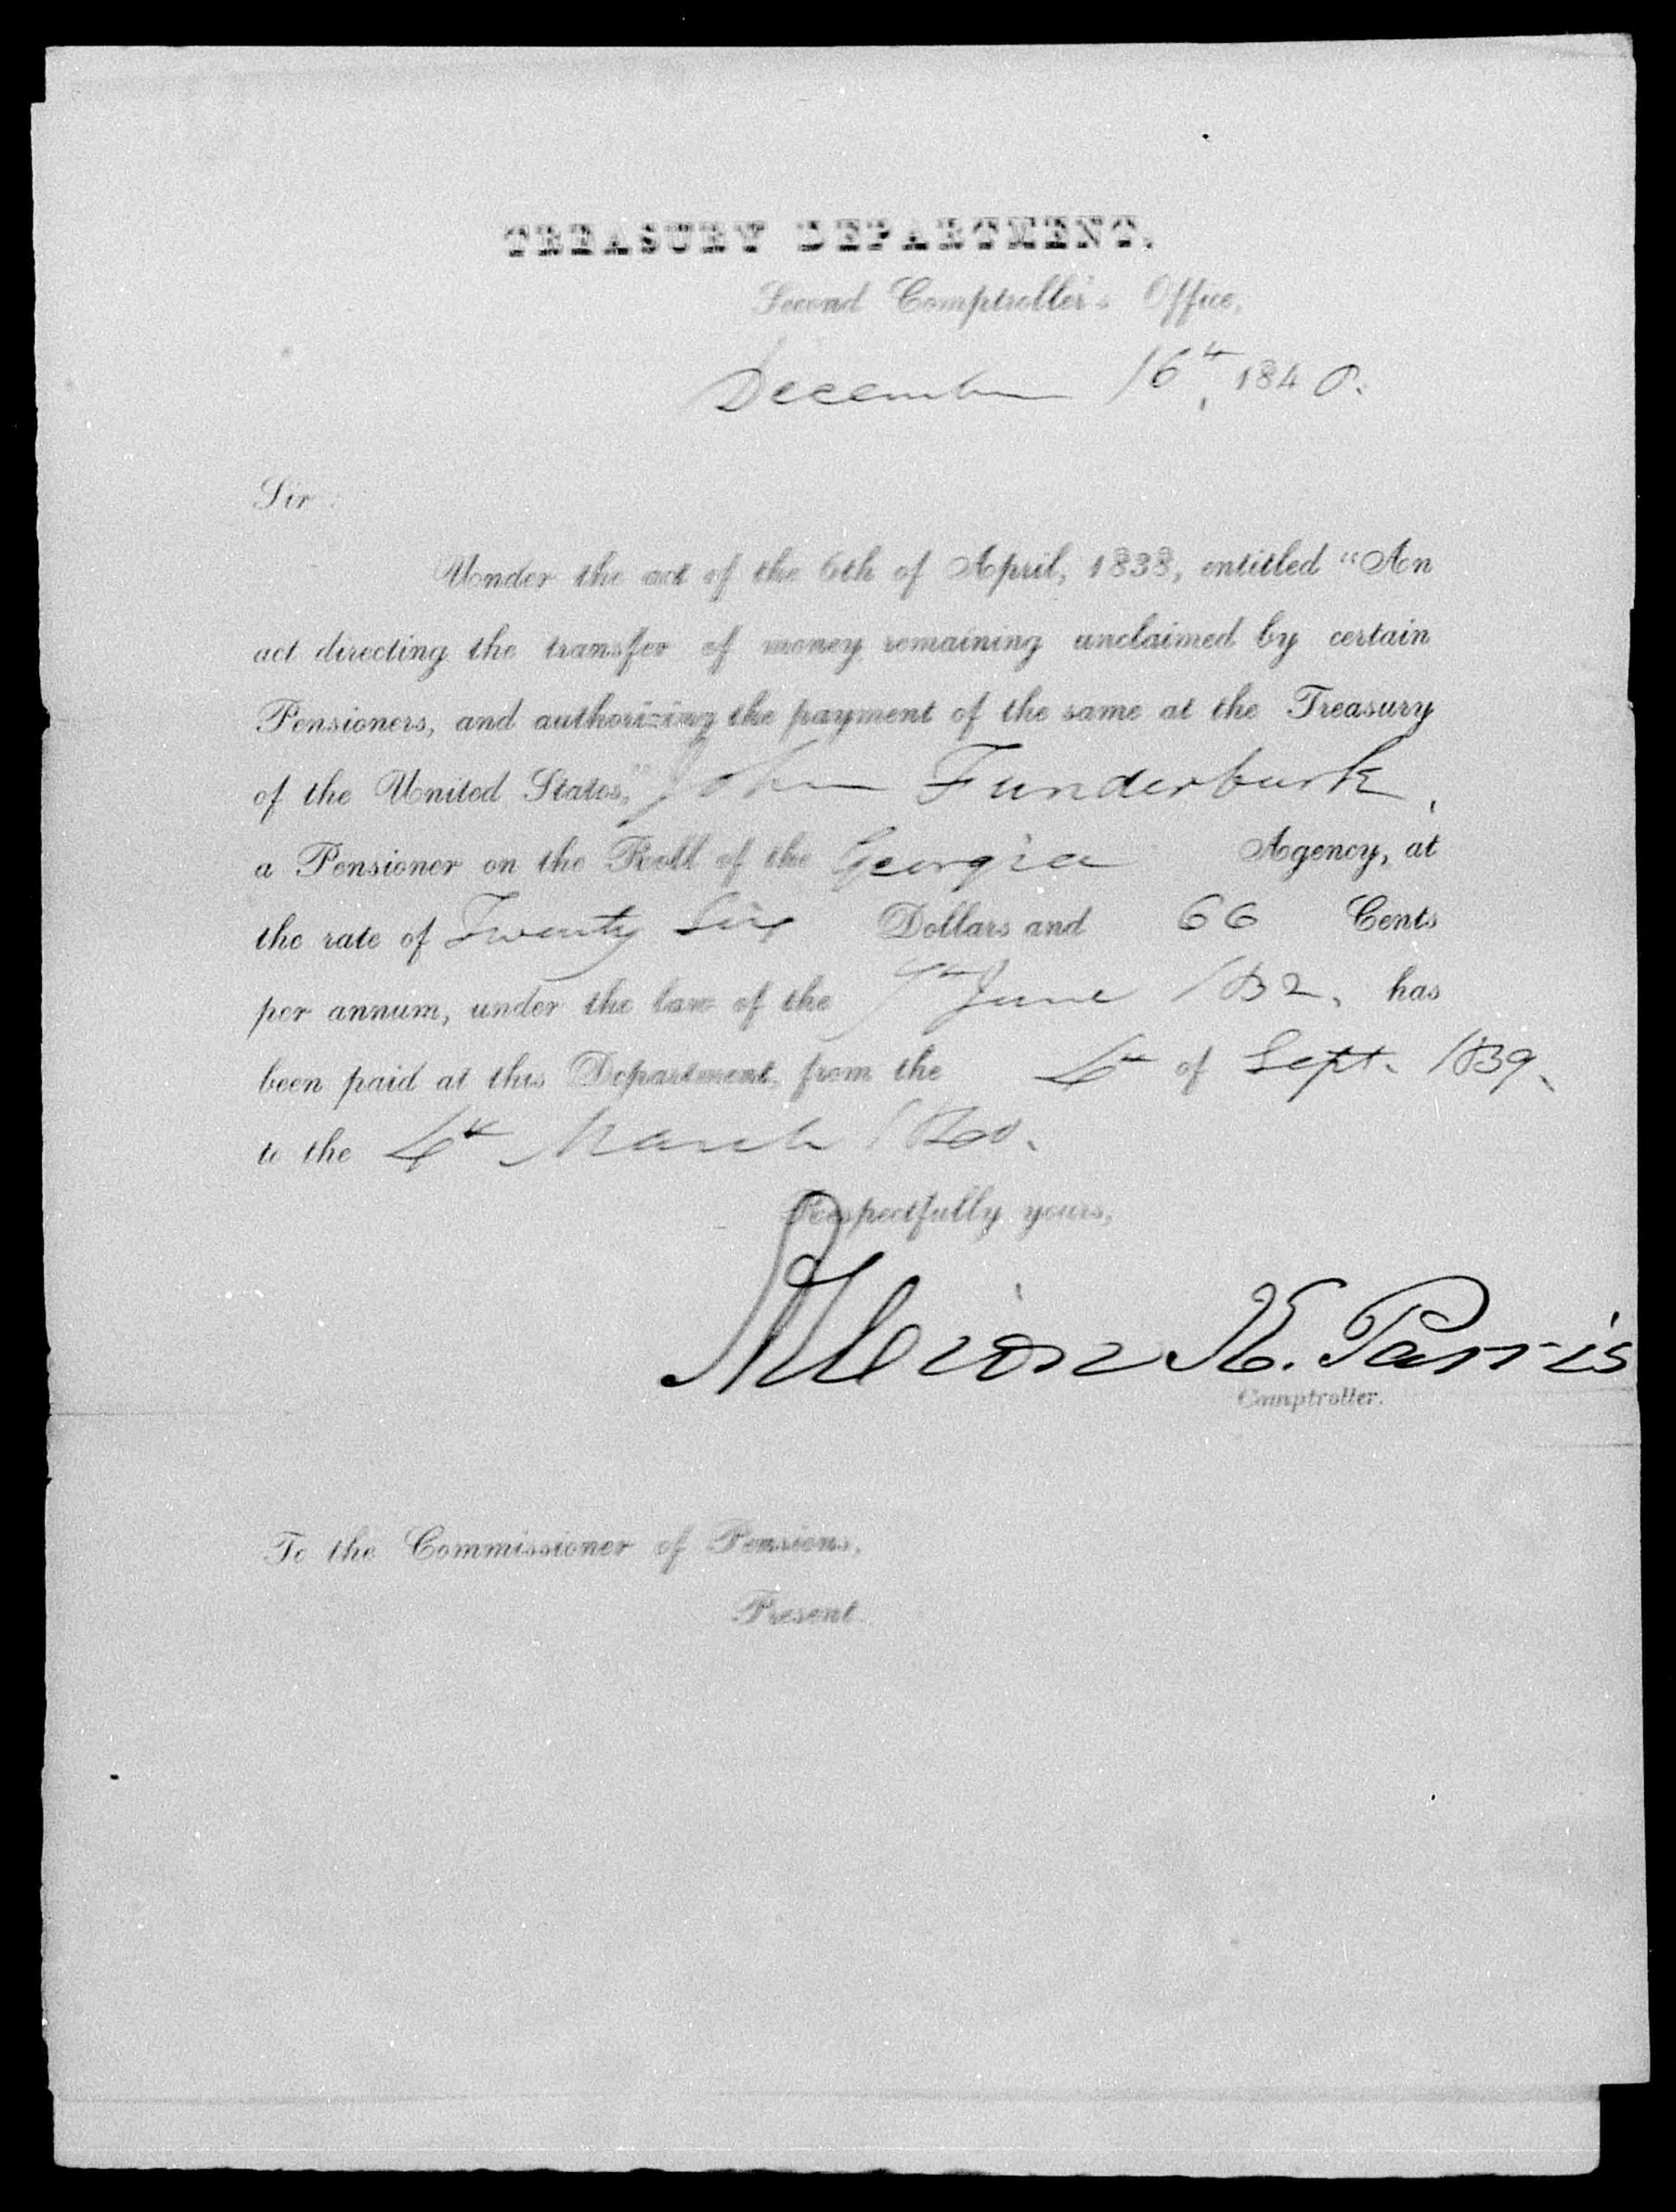TREASURY DEPARTMENT,
Second Comptroller's Office,
December 16th, 1840.

Sir:

Under the act of the 6th of April, 1838, entitled "An
act directing the transfer of money remaining unclaimed by certain
Pensioners, and authorizing the payment of the same at the Treasury
of the United States," John Funderburk, 
a Pensioner on the Roll of the Georgia Agency, at
the rate of Twenty Six Dollars and 66 Cents
per annum, under the law of 7th June 1832, has
been paid at this Department, from the 4th of Sept. 1839,
to the 4th March 1840.
Respectfully yours,
Albion K. Parris
Comptroller,

To the Commissioner of Pensions,
Present.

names: John Funderburk, Albion K Parris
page: 23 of 23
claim: survivor's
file: S. 31,682, John Funderbuck, S.C.